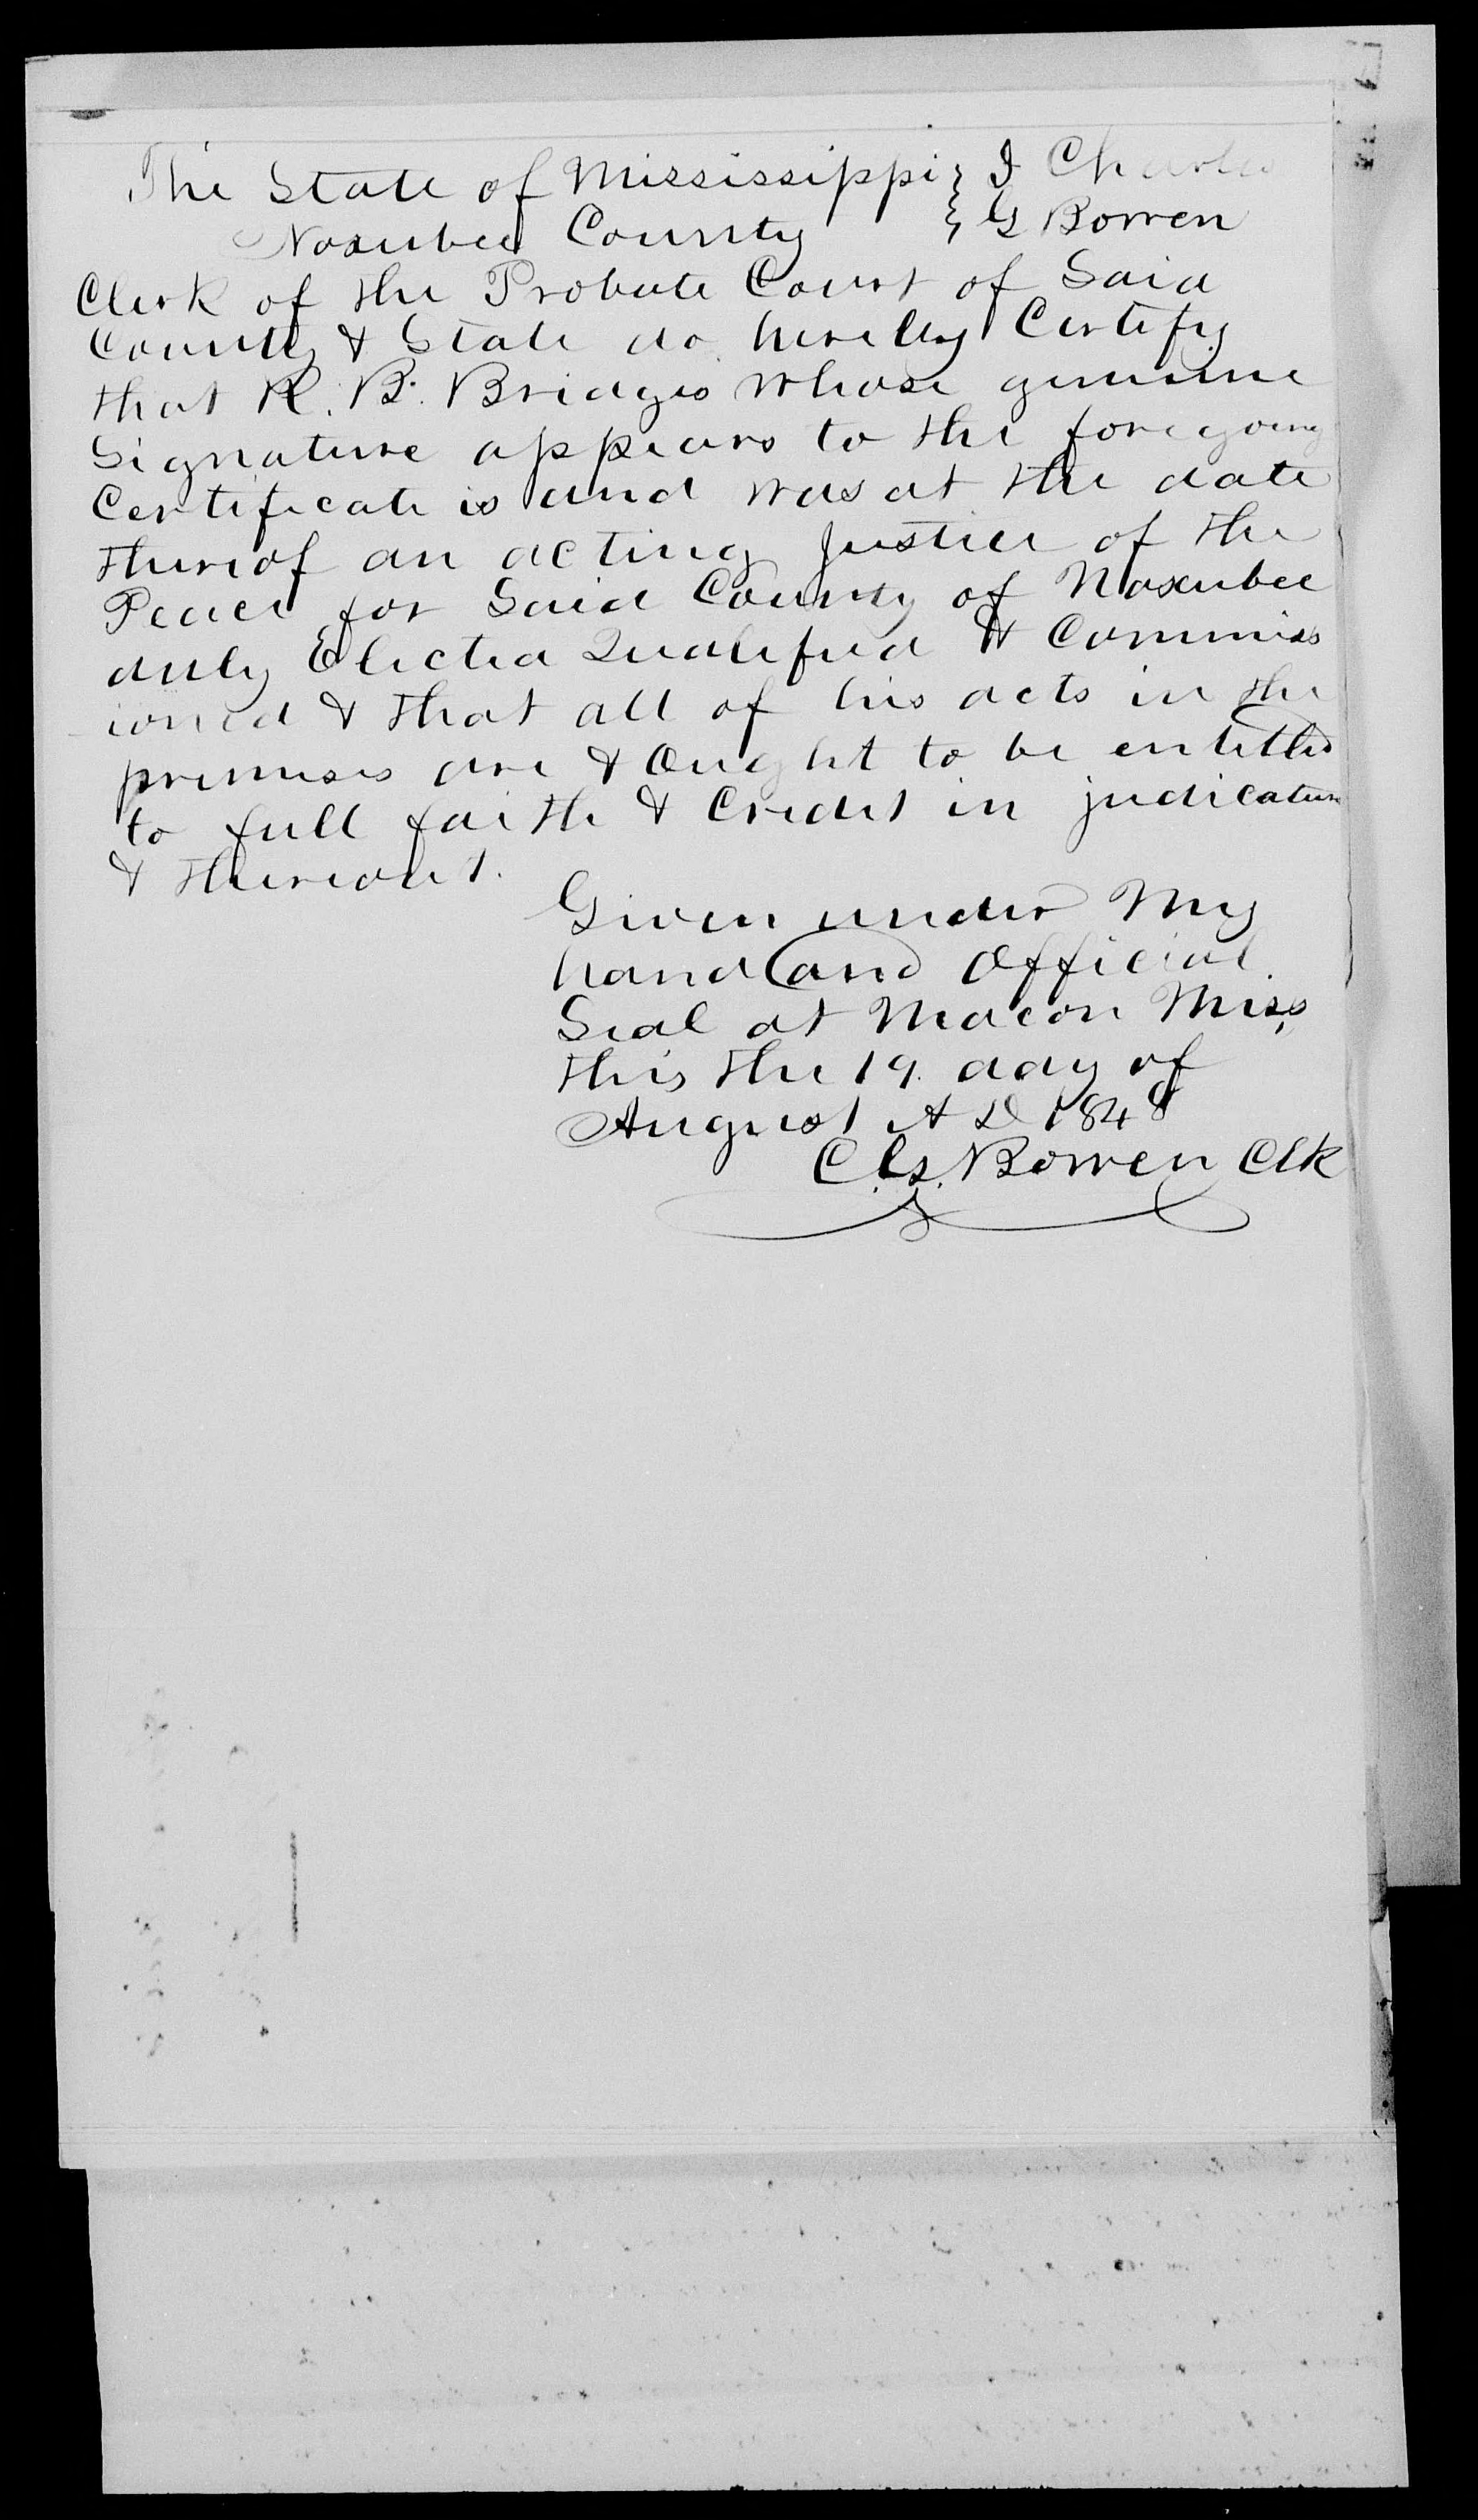The State of Mississippi
Noxubee County
I Charles G. Bowen Clerk of the Probate Court of Said County & State do hereby certify that R. B. Bridges whose genuine signature appears to the foregoing certificate is and was at the date an acting Justice of the Peace for said county of Noxubee duly elected qualified & commissioned & That all of his acts in the premises are & ought to be entitled to full faith & credit in judication & thereout.
Given under my hand and official seal at Macon Miss, this the 19. day of August AD 1848
C.E. Bowen Clk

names: Charles G Bowen; R B Bridges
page: 75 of 92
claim: widow's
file: W. 5522, for James Pettigrew, South Carolina